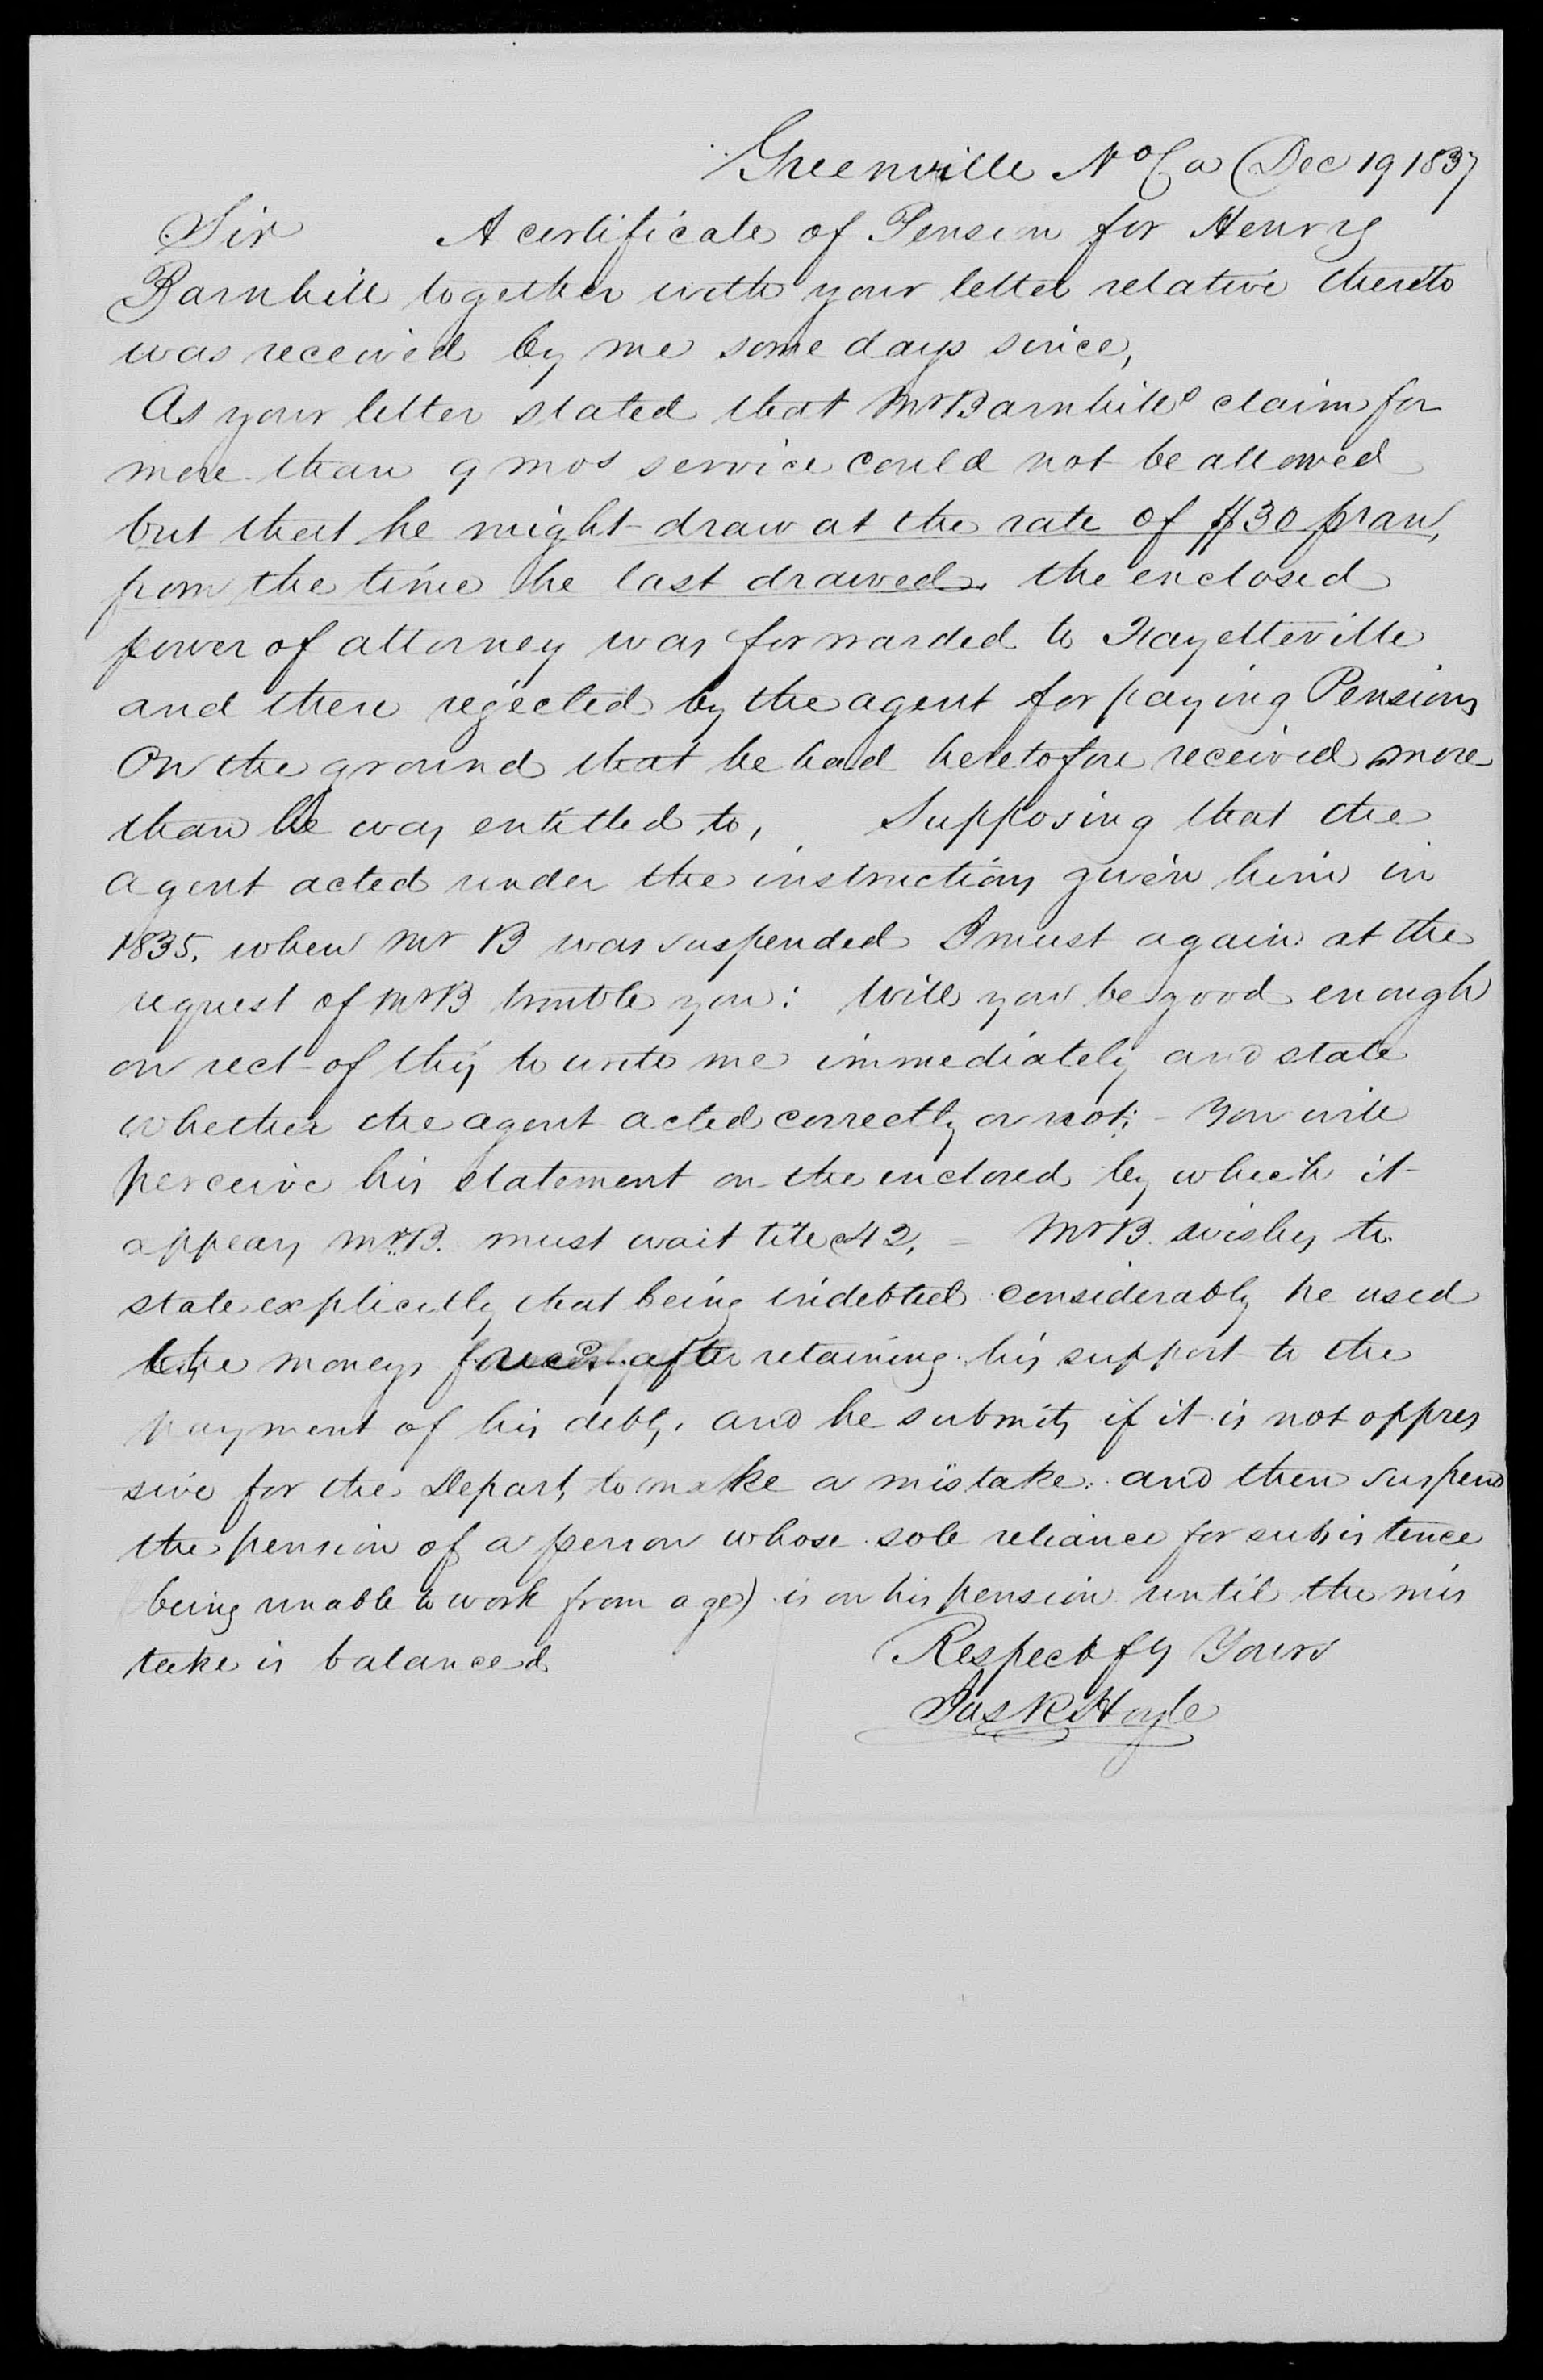Greenville No Ca   Dec 19 1837
Sir
A certificate of Pension for Henry Barnhill together with your letter relative thereto was received by me some days since,
As your letter stated that Mr Barnhills claim for more than 9 mos service could not be allowed [underlined] but that he might draw at the rate of $30 pr an, from the time he last drawed [end underline] the enclosed power of attorney was forwarded to Fayetteville and there rejected by the agent for paying Pensions on the ground that he had heretofore received more than he was entitled to. Supposing that the agent acted under the instructions given him in 1835, when Mr B was suspended I must again at the request of Mr B trouble you: Will you be good enough on rect [receipt] of this to write me immediately and state whether the agent acted correctly or not: you will perceive his statement on the enclosed by which it appears Mr.. B. must wait till 42. = Mr B wishes to state explicitly that being indebted considerably he used the moneys recd. after retaining his support to the payment of his debt; and he submits if it is not oppressive for the Depart. to make a mistake and then suspend the pension of a person whose sole reliance for subsistence (being unable to work from age) is on his pension until the mistake is balanced.

Respectfy yours
S/Jas R Hoyle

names: Jas R Hoyle, Henry Barnhill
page: 28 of 42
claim: survivor's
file: S. 6579, Henry Barnhill, N. C.